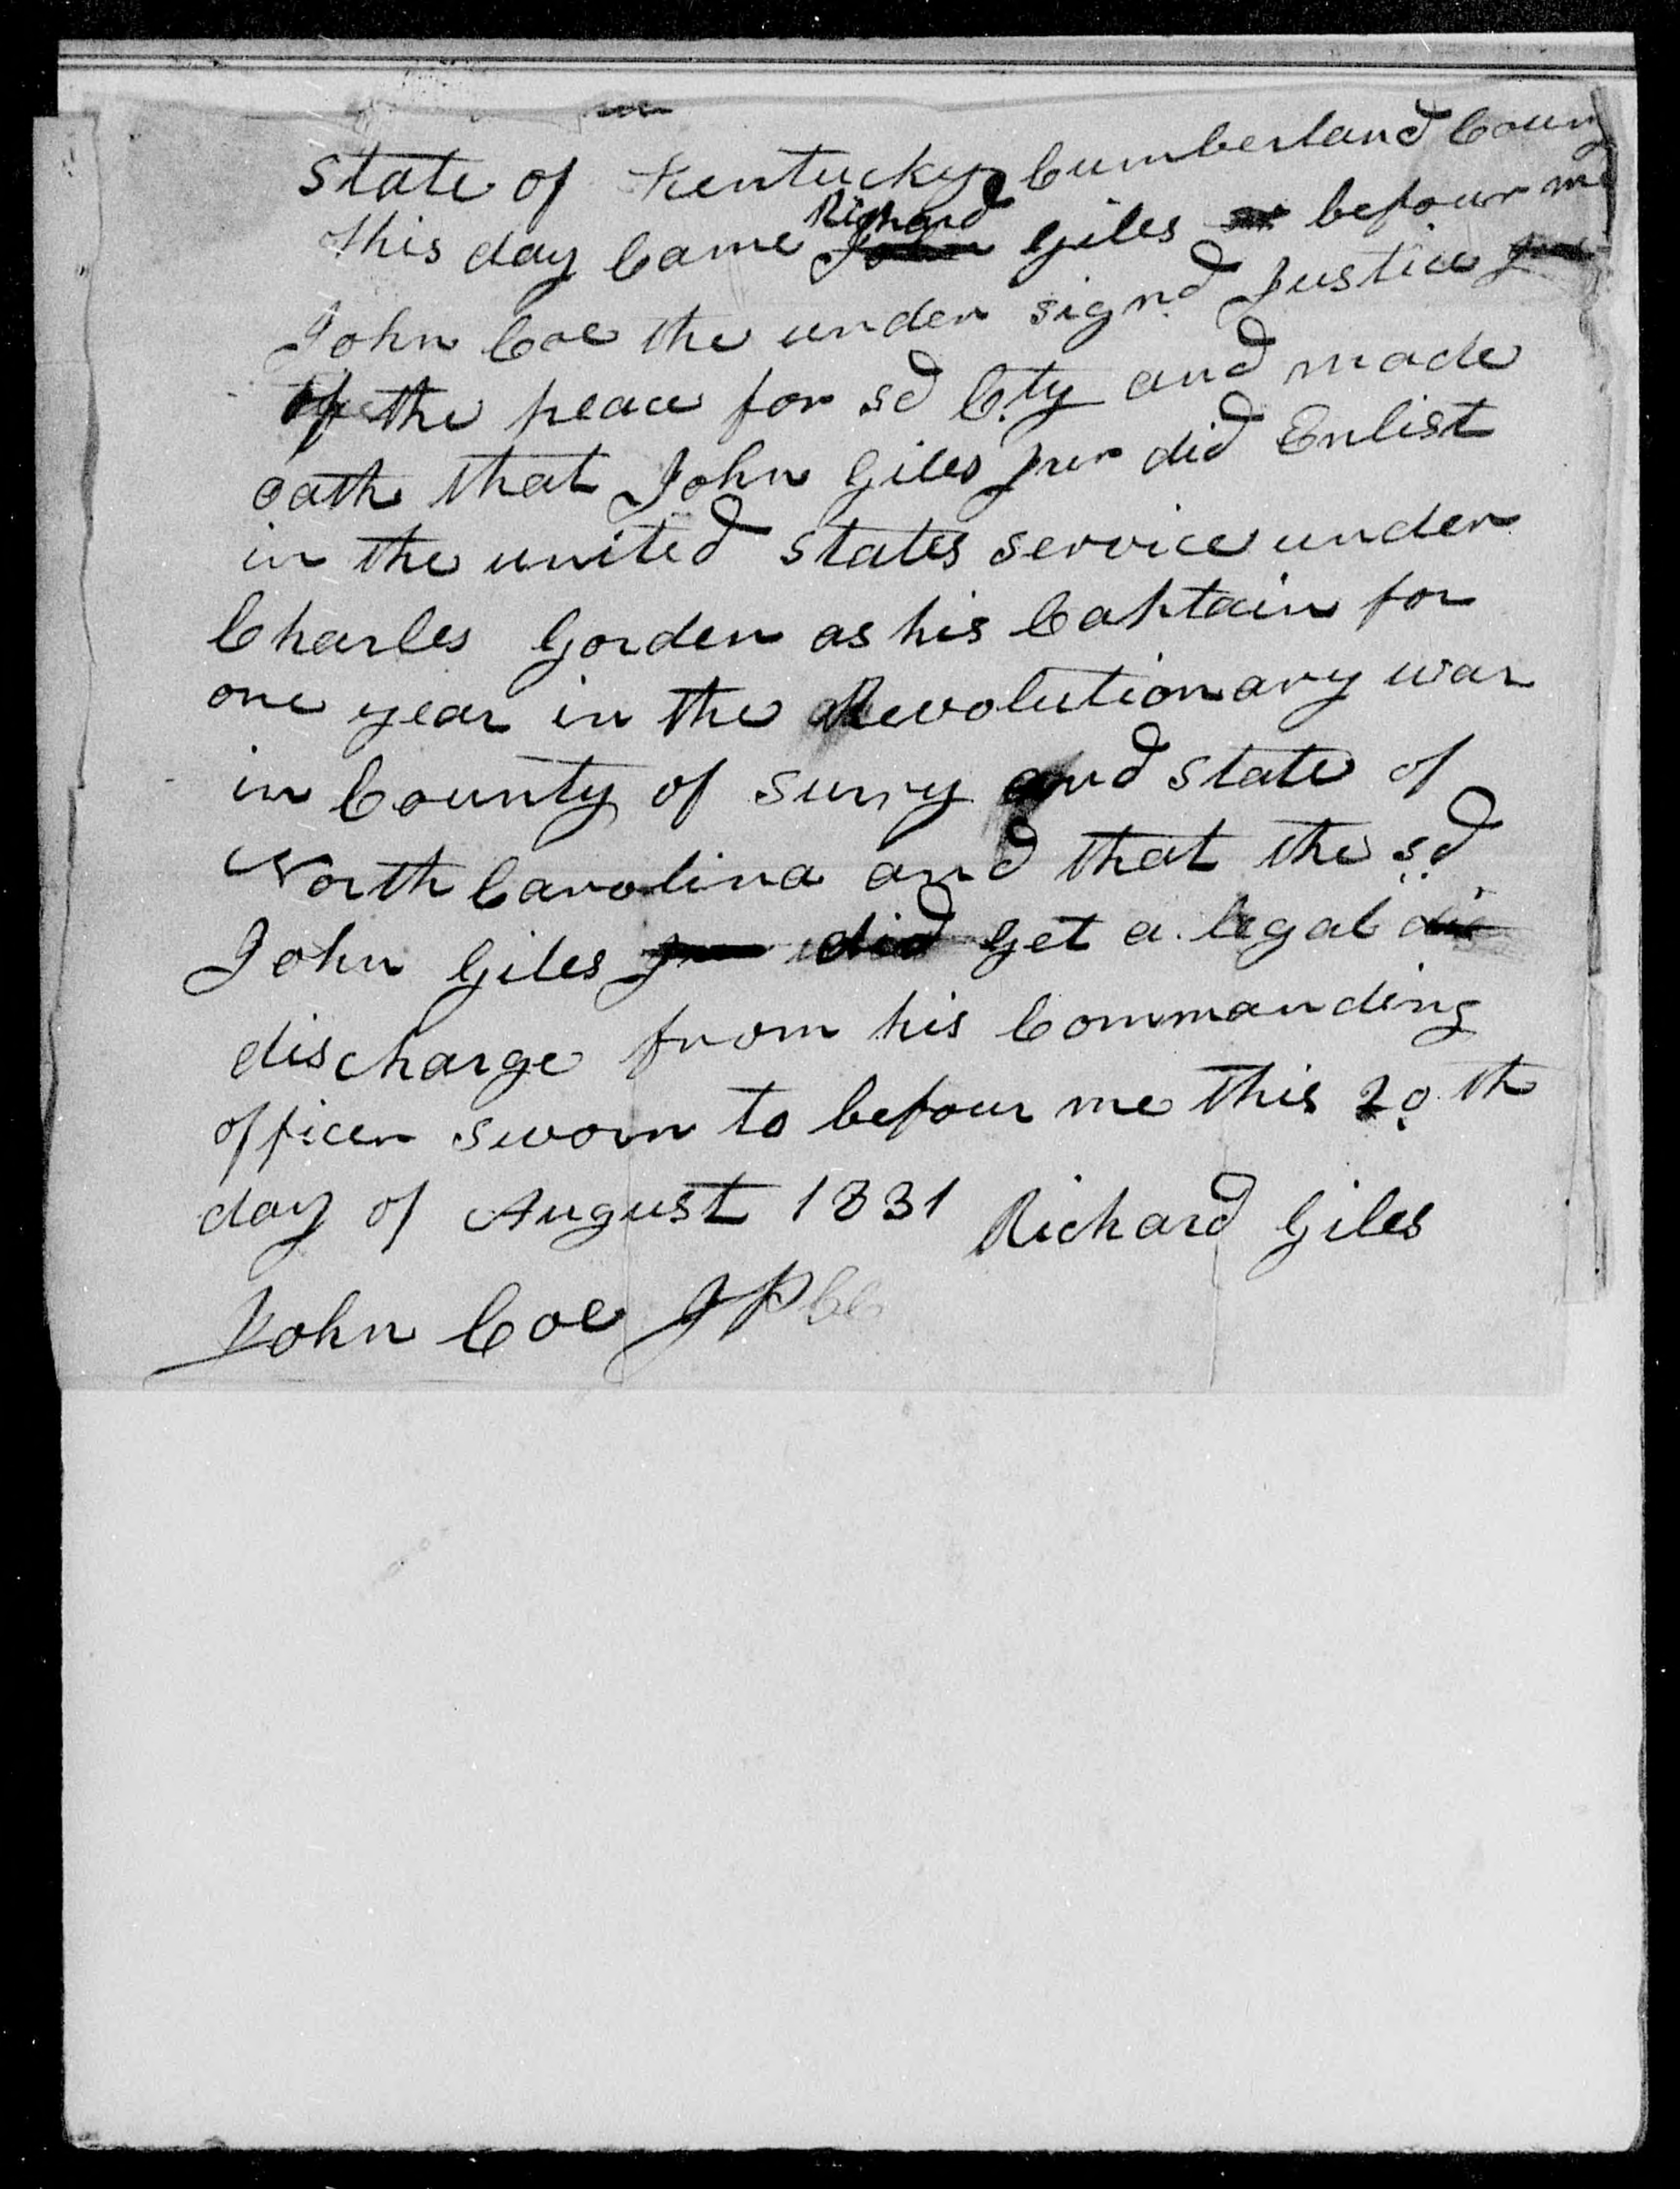State of Kentucky Cumberland County
this day came Richard Giles before me John Coe the under signed Justice of the pese for sd (said) cty (county) and made oath that John Giles Jr did enlist in the united states service under Charles Gorden as his Captain for one year in the Revolutionary war in County of Surrey and state of North Carolina and that the sd (said) John Giles did get a legal discharge from his commanding officer sworn to before me this 20th day of August 1831
Richard Giles
John Coe JPCC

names: John Coe, John Giles, Charles Gorden, Richard Giles, Richard Giles, John Coe, John Giles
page: 61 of 82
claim: widow's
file: W. 7,522, John Giles, N.C.